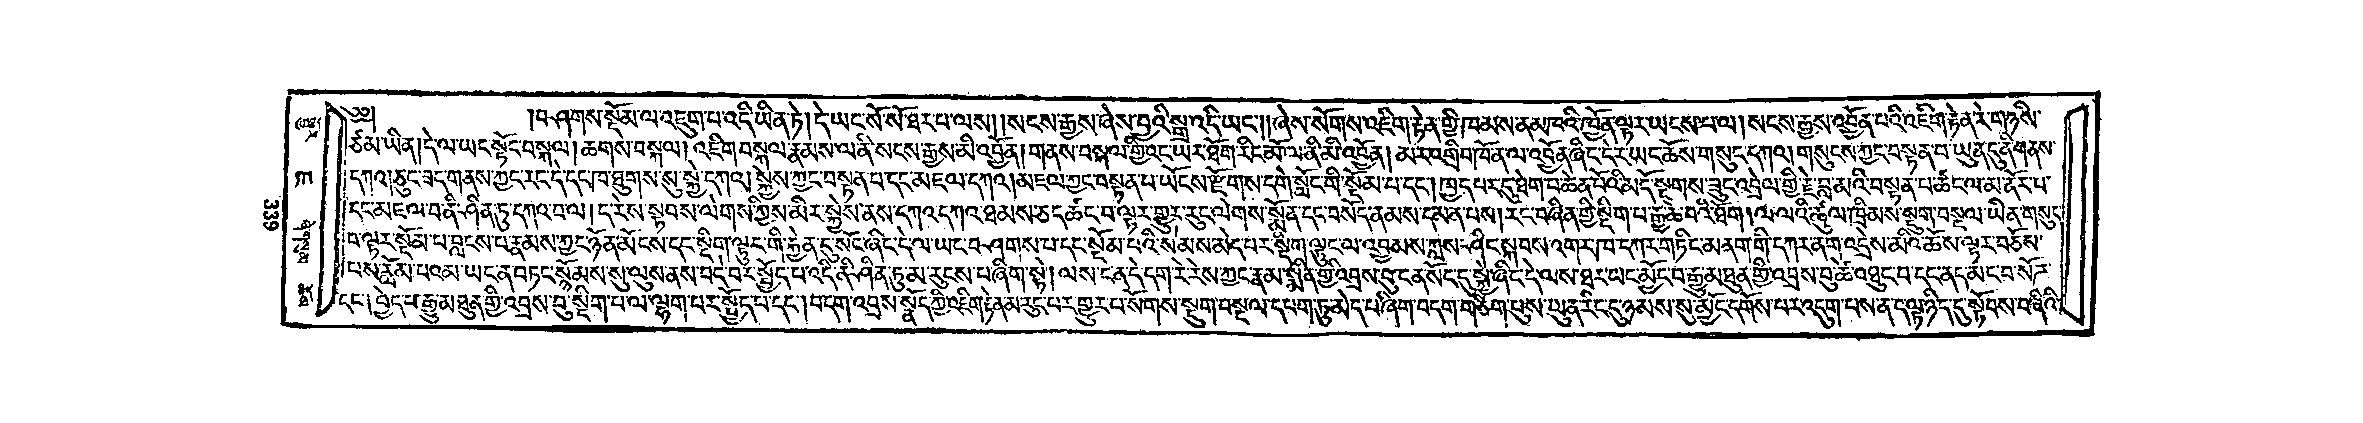༄༅། །བཤགས་སྡོམ་ལ་འཇུག་པ་འདི་ཡིན་ཏེ། དེ་ཡང་སོ་སོ་ཐར་པ་ལས། །སངས་རྒྱས་ཞེས་བྱའི་སྒྲ་འདི་ཡང་། །ཞེས་སོགས་འཇིག་རྟེན་གྱི་ཁམས་ནམ་མཁའི་ཁྱོན་ལྟར་ཡངས་པ་ལ། སངས་རྒྱས་འབྱོན་པའི་འཇིག་རྟེན་རེ་གཉིས་
ཙམ་ཡིན། དེ་ལ་ཡང་སྟོང་བསྐལ། ཆགས་བསྐལ། འཇིག་བསྐལ་རྣམས་ལ་ནི་སངས་རྒྱས་མི་འབྱོན། གནས་བསྐལ་གྱི་འང་ཡར་ཐོག་རིང་མོ་ལ་ནི་མི་འབྱོན། མར་འགྲིབ་ཁོ་ན་ལ་འབྱོན་ཞིང་དེར་ཡང་ཆོས་གསུང་དཀའ། གསུངས་ཀྱང་བསྟན་པ་ཡུན་དུ་ནི་གནས་
དཀའ། ཅུང་ཟད་གནས་ཀྱང་རང་དེ་དང་ཁ་ཐུགས་སུ་སྐྱེ་དཀའ། སྐྱེས་ཀྱང་བསྟན་པ་དང་མཇལ་དཀའ། མཇལ་ཀྱང་བསྟན་པ་ཡོངས་རྫོགས་དགེ་སློང་གི་སྡོམ་པ་དང་། ཁྱད་པར་དུ་ཐེག་པ་ཆེན་པོའི་མདོ་སྔགས་ཟུང་འབྲེལ་གྱི་རྗེ་བླ་མའི་བསྟན་པ་ཚང་ལ་མ་ནོར་པ་
དང་མཇལ་བ་ནི་ཤིན་ཏུ་དཀའ་བ་ལ། ད་རེས་སྟབས་ལེགས་ཀྱིས་མིར་སྐྱེས་ནས་དཀའ་དཀའ་ཐམས་ཅད་ཚང་བ་ལྟར་གྱུར་རུང་ལེགས་སྨོན་དང་བསོད་ནམས་དམན་པས། རང་བཞིན་གྱི་སྡིག་པ་རྒྱ་ཆེ་བའི་ཐོག །ལ་ལའི་ཚུལ་ཁྲིམས་སྡུག་བསྔལ་ཡིན་གསུང་
བ་ལྟར་སྡོམ་པ་བླངས་པ་རྣམས་ཀྱང་ཉོན་མོངས་དང་སྡིག་ལྟུང་གི་རྐྱེན་དུ་སོང་ཞིང་དེ་ལ་ཡང་བཤགས་པ་དང་སྡོམ་པའི་སེམས་མེད་པར་སྡིག་ལྟུང་ལ་འབྱམས་ཀླས་ཤིང་སྐབས་འགར་ཁ་དཀར་གཏིང་མནག་གི་དཀར་ནག་འདྲེས་མའི་ཆོས་ལྟར་བཅོས་
པས་རློམ་པའམ་ཡང་ན་བཏང་སྙོམས་སུ་ལུས་ནས་བདེ་བར་སྤྱོད་པ་འདི་ནི་ཤིན་ཏུ་མ་རུངས་པ་ཞིག་སྟེ། ལས་ངན་དེ་དག་རེ་རེས་ཀྱང་རྣམ་སྨིན་གྱི་འབྲས་བུ་ངན་སོང་དུ་སྐྱེ་ཞིང་དེ་ལས་ཐར་ཡང་མྱོང་བ་རྒྱུ་མཐུན་གྱི་འབྲས་བུ་ཚེ་འཐུང་བ་དང་ནད་མང་བ་སོགས་
དང་། བྱེད་པ་རྒྱུ་མཐུན་གྱི་འབྲས་བུ་སྡིག་པ་ལ་ལྷག་པར་སྤྱོད་པ་དང་། བདག་འབྲས་སྣོད་ཀྱི་འཇིག་རྟེན་མ་རུང་བར་གྱུར་བ་སོགས་སྡུག་བསྔལ་དཔག་ཏུ་མེད་པ་ཞིག་བདག་གཅིག་པུས་ཡུན་རིང་དུ་ཉམས་སུ་མྱོང་དགོས་པར་འདུག་པས་ན་ད་ལྟ་ཉིད་དུ་སྟོབས་བཞིའི་